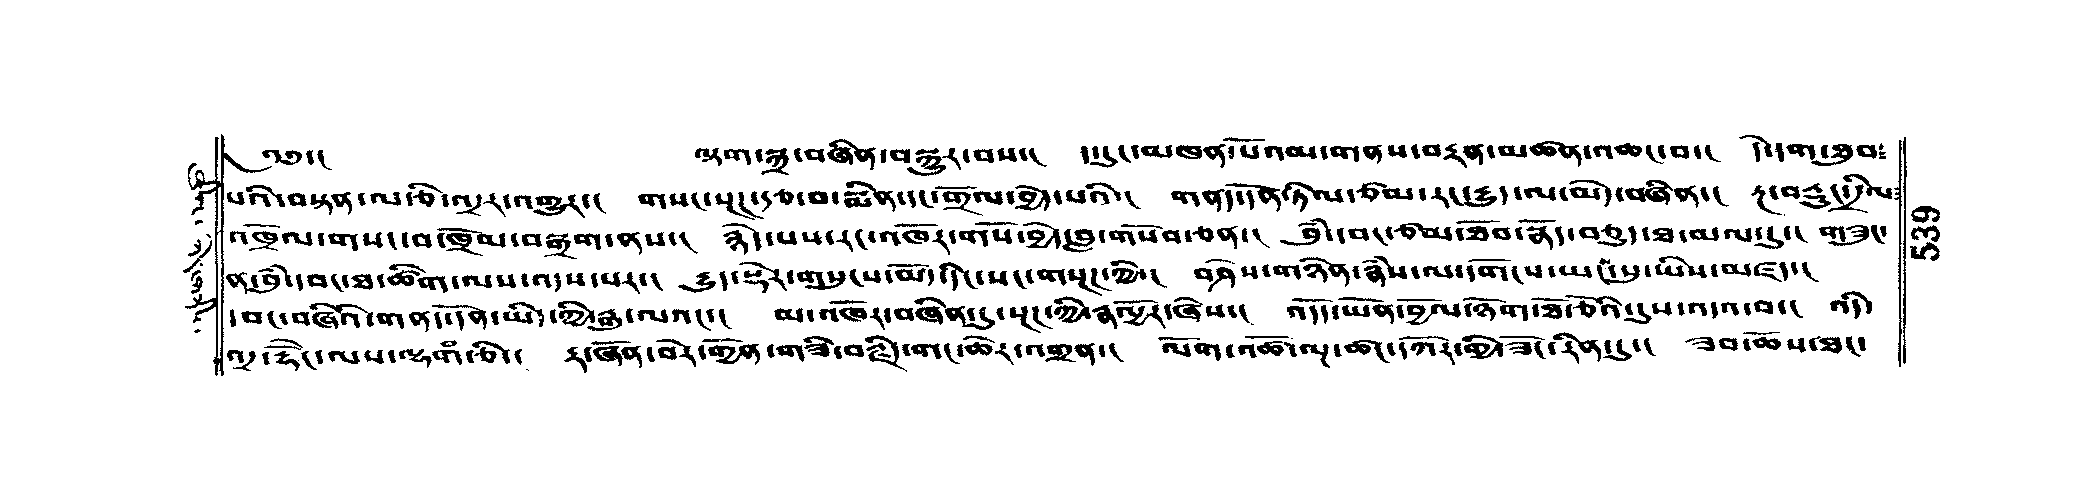ལྟག་སྐྲ་བཞིན་བསྐྱུར་བས། །ད་དུང་མཁན་པོའམ་གནས་བརྟན་མཚན་འཆང་བ། །དེ་དག་ཐུབ་
པའི་བསྟན་ལ་ཅི་འདྲར་འགྱུར། །གསང་སྔགས་རྩ་བ་སྨིན་དང་གྲོལ་བྱེད་པའི། །གནད་དོན་ཏིལ་ཙམ་རང་རྒྱུད་ལ་མེད་བཞིན། །རྔ་བརྡུང་དྲིལ་
འཁྲོལ་གསང་བ་ཁྲོམ་བསྒྲགས་ནས། །རྙེད་པས་རང་འཁོར་གསོ་བྱེད་བླ་སོབ་ཅན། །བུམ་དབང་ཙམ་ཐོབ་སྣོད་བཅུད་ཐ་མལ་དུ། །གཟུང་
ན་བུམ་དབང་ཐ་ཚིག་ལས་འདས་པར། །རྒྱུད་སྡེར་གསུངས་མོད་དིང་སང་གསང་སྔགས་ཀྱི། །བཤེས་གཉེན་རྣམས་ལ་དགོངས་ཡངས་སུ་ཡིས་མཛད། །
དབང་བཞིའི་གནད་དོན་ཡིད་ཀྱི་རྒུད་ལའང་། །མ་འཁོར་བཞིན་དུ་སྔགས་ཀྱི་རྣལ་འབྱོར་ཞེས། །འདོད་ཡོན་བྱོལ་ཉོག་ཐོ་ཅོའི་དུས་འདའ་བ། །འདི་
འདྲ་རྡོ་རྗེ་འཆང་ལས་ལྷག་གམ་ཅི། །རྟ་ཞོན་བེར་གྱོན་གཟི་བརྗིད་གང་ཆེར་འགྲན། །ལོག་འཚོ་ལྔ་ཚང་དཀོར་གྱི་ཟོང་རིན་དུ། །ཟབ་ཆོས་ཐང་